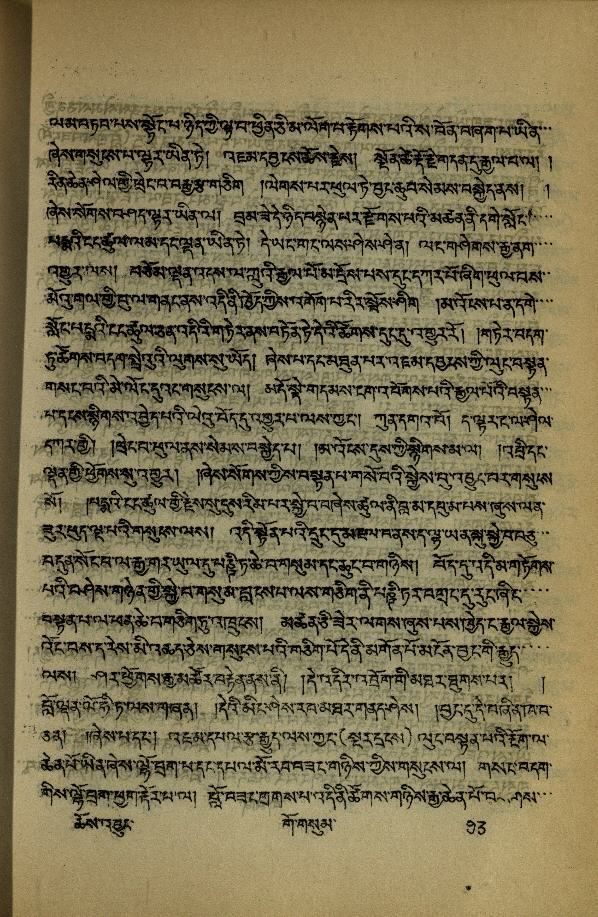ལམ་བཏབ་པས་སྟོང་པ་ཉིད་ཀྱི་ལྟ་བ་ཕྱིན་ཅི་མ་ལོག་པ་རྟོགས་པའི་ས་བོན་བཞག་པ་ཡིན་
ཞེས་གསུངས་པ་ལྟར་ཡིན་ཏེ། འཇམ་དབྱངས་ཆོས་རྗེས། སྔོན་ཚེ་རྡོ་རྗེ་གདན་དུ་རྒྱལ་བ་ལ། །
རིན་ཆེན་ཤེལ་གྱི་ཕྲེང་བ་བརྒྱ་རྩ་གཅིག །ལེགས་པར་ཕུལ་ཏེ་བྱང་ཆུབ་སེམས་བསྐྱེད་ནས། །
ཞེས་སོགས་བཤད་ལྟར་ཡིན་ལ། བྲམ་ཟེ་དེ་ཉིད་བསྙེན་པར་རྫོགས་པའི་མཚན་ནི་དགེ་སློང་
པདམའི་ངང་ཚུལ་ལམ་དང་ལྡན་ཡིན་ཏེ། དེ་ཡང་གང་ལས་ཤེས་ཤེ་ན། ལང་གཤེགས་རྒྱ་ནག་
འགྱུར་ལས། བཅོམ་ལྡན་འདས་ལ་ཀླུའི་རྒྱལ་པོ་མ་དྲོས་པས་དུང་དཀར་པོ་ཞིག་ཕུལ་བས་
མོའུ་གལ་གྱི་བུ་ལ་གནང་ནས་འདི་ནི་ཁྱོད་ཀྱིས་འགོག་པ་རིར་སྤོས་ཤིག །མ་འོངས་པ་ན་དགེ་
སློང་པདམའི་ངང་ཚུལ་ཅན་འདིའི་གཏེར་ནས་བཏོན་ཏེ་དེའི་ཚོགས་དུང་དུ་འགྱུར་རོ། །གཏེར་བདག་
ཏུ་ཚོགས་བདག་སྤྲེའུའི་ལུགས་སུ་ཡོད། ཞེས་པ་དང་མཐུན་པར་འཇམ་དབྱངས་ཀྱི་ལུང་བསྟན་
གསང་བའི་མེ་ལོང་དུའང་གསུངས་ལ། མདོ་སྡེ་གདམས་ངག་འབོགས་པའི་རྒྱལ་པོའི་བསྟན་
པ་དངས་སྙིགས་འབྱེད་པའི་ལེའུ་བོད་དུ་འགྱུར་པ་ལས་ཀྱང་། ཀུན་དགའ་བོ། ད་ལྟར་རང་ལ་ཤེས་ལ་
དཀར་གྱི། །ཕྲེང་བ་ཕུལ་ནས་སེམས་བསྐྱེད་པ། །མ་འོངས་དུས་ཀྱི་སྙིགས་མ་ལ། །འབྲི་དང་
ལྡན་གྱི་ཕྱོགས་སུ་འགྱུར། །ཞེས་སོགས་ཀྱིས་བསྟན་པ་གསོ་བའི་སྐྱེས་བུ་འབྱུང་བར་གསུངས་
སོ། །པདམའི་ངང་ཚུལ་གྱི་རྗེས་སུ་དུས་རིམ་པར་སྐྱེ་བ་བཞེས་ཚུལ་ནི་བླ་མ་དབུ་མ་པས་ཞུས་ལན་
ཟུར་ཕུད་ལྔ་པའི་གསུངས་ལས། འདི་སྟོན་པའི་དྲུང་དུ་མཇལ་བ་ནས་ད་ལྟ་ཡ་ན་སྐུ་སྐྱེ་བ་བཅུ་
བདུན་སོང་བ་ལ་རྒྱ་གར་ཡུལ་དུ་པཎྜི་ཏ་ཆེ་བ་གསུམ་དང་ཆུང་བ་གཉིས། བོད་དུ་འདི་མ་གཏོགས་
པའི་བཤེས་གཉེན་གྱི་སྐྱེ་བ་གསུམ་བླངས་པ་ལས་གཅིག་ནི་པཎྜི་ཏར་བགྲང་དུ་རུང་ཞིང་
བསྟན་པ་ལ་ཕན་ཆེ་བ་གཅིག་ཏུ་འཁྲུངས། མཚན་ཅི་ཟེར་ལགས་ཞུས་པས་ཁྱེད་ང་རྒྱལ་སྐྱེས་
འོང་བས་ད་རེས་མི་འཆད་ཅེས་གསུངས་པའི་གཅིག་པོ་དེ་ནི་མགོན་པོ་མངོན་བྱང་གི་རྒྱུད་
ལས། ཤར་ཕྱོགས་རྒྱ་མཚོར་བརྟེན་ནས་ནི། །དེ་འདིར་འབྲོག་གི་མཐར་ཐུགས་པར། །
བློ་ལྡན་ལོ་ཧི་ཏ་ལས་གཞན། །དེའི་མིང་ཤེས་རབ་མཐར་གནད་ཤེས། །བྱང་དུ་དེ་བཞིན་ཁ་པ་
ཅན། །ཞེས་པ་དང་། འཇམ་དཔལ་རྩ་རྒྱུད་ལས་ཀྱང་སྔར་དྲངས་ལུང་བསྟན་པའི་རྔོག་ལ་
ཆེན་པོ་ཡིན་ཞེས་ལྷོ་བྲག་པ་དང་དཔལ་མོ་རབ་བཟང་གཉིས་ཀྱིས་གསུངས་ལ། གསང་བདག་
གིས་ལྷོ་བྲག་ཕྱག་རྡོར་པ་ལ། བློ་བཟང་གྲགས་པ་འདི་ནི་ཚོགས་གཉིས་རྒྱ་ཆེན་པོ་བཤགས་